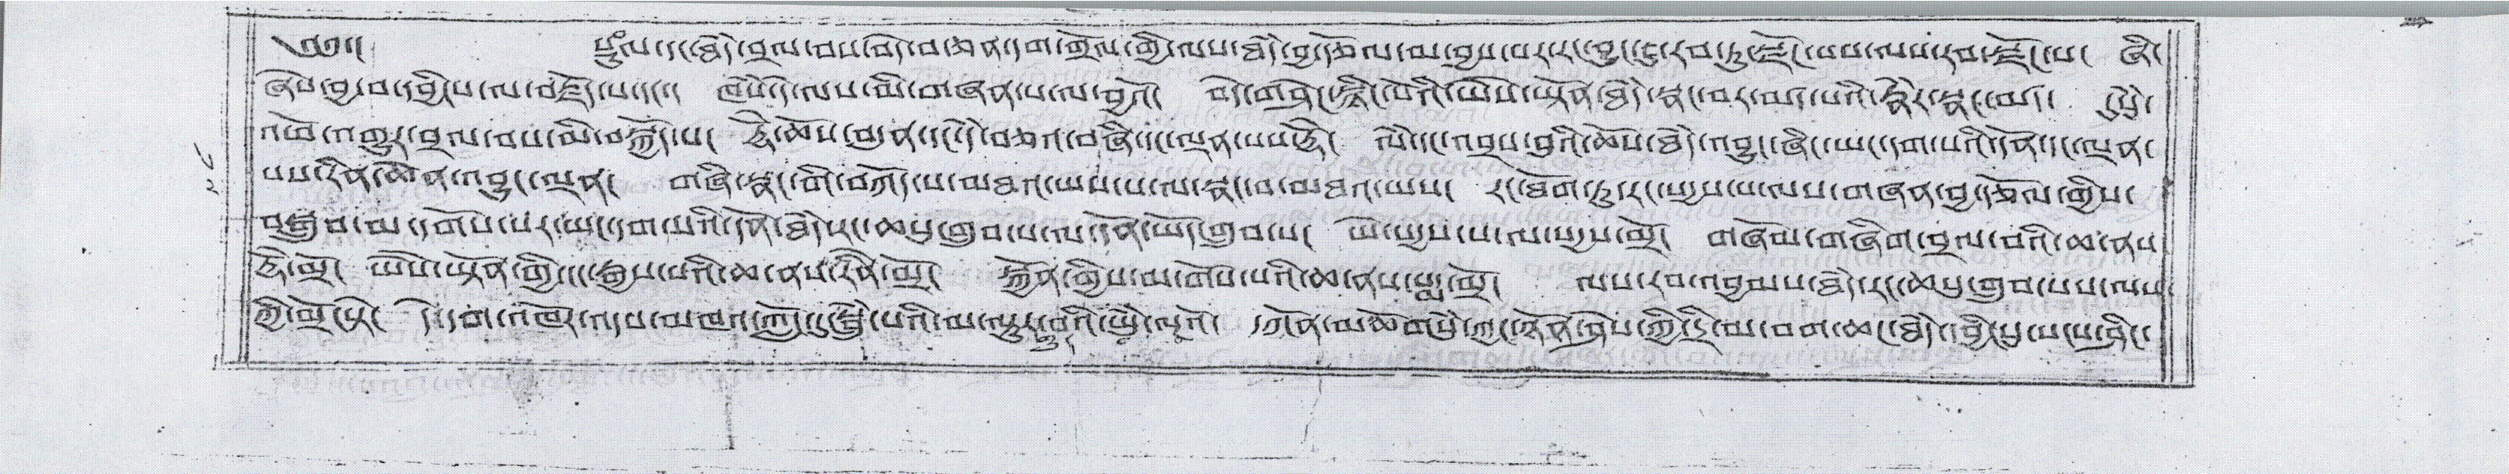སྡུག་བསྔལ་ཐམས་ཅད་དང་བྲལ་བས་བདེ་བ་ཅན་དག་གྲོལ་གྱི་ལས་ཐམས་ཅད་བྱ་རྩོལ་མ་བྱས་པར་རང་བྱུང་དུ་རབ་ཏུ་རྫོགས་པས་ལས་རབ་རྫོགས་པ། ཞིང་
ཞེས་བྱ་བ་དབྱིངས་ལ་བརྗོད་པ་དང་། ཁམས་དེ་ལས་མི་གཞན་པ་ལ་བྱའོ། བདེར་གཤེགས་སྙིང་པོའི་ཡེ་ཤེས་ཡོན་ཏན་ཐམས་ཅད་སྣང་བར་མཛད་པས་རྣམ་པར་སྣང་མཛད། དུས་གསུམ་
འཕོ་འགྱུར་བྲལ་བས་མི་བསྐྱོད་པ། རྡོ་རྗེ་ཆོས་བདུན་དང་དམ་བཅའ་བཞི་དང་ལྡན་པས་རྡོ་རྗེ། ལམ་དང་འབྲས་བུའི་ཆོས་ཐམས་ཅད་འབྱུང་ཞིང་ཡང་དག་པའི་དོན་དང་ལྡན་
པས་རིན་ཆེན་འབྱུང་ལྡན། གཞི་སྣང་གི་བཀོད་པ་མཐའ་ཡས་པ་ལ་སྣང་བ་མཐའ་ཡས། རང་ཐོག་ཏུ་སངས་རྒྱས་པ་ལས་གཞན་བྱ་རྩོལ་གྱིས་
བསྒྲུབ་མ་དགོས་པར་ཡང་དག་པའི་དོན་ཐམས་ཅད་རང་ཆས་སུ་གྲུབ་པ་ལ་དོན་ཡོད་གྲུབ་པ། ཡེ་སངས་རྒྱས་པ་ལ་སངས་རྒྱས་མཁའ་འགྲོ། གཞོམ་གཞིག་བྲལ་བའི་ཆ་ནས་
རྡོ་རྗེ་མཁའ་འགྲོ། ཡེ་ཤེས་ཡོན་ཏན་གྱི་ངང་རྒྱས་པའི་ཆ་ནས་རིན་ཆེན་མཁའ་འགྲོ། སྐྱོན་གྱིས་མ་གོས་པའི་ཆ་ནས་པདྨ་མཁའ་འགྲོ། ལས་རབ་འབྱམས་ཐམས་ཅད་རང་ཆས་སུ་གྲུབ་པས་ལས་
ཀྱི་མཁའ་འགྲོ་སྟེ། དེ་དག་འཁོར་འདས་མཁའ་ཀློང་དུ་སྦྲུམ་པའི་མ་ལྟ་བུ་གྱུར་པས་ཡུམ་ལྔའོ། དཀོན་མཆོག་གསུམ་ཀྱང་ཉོན་ཤེས་ཀྱི་དྲི་མ་བག་ཆགས་ཐམས་ཅད་དབྱིངས་སུ་སངས་ཤིང་